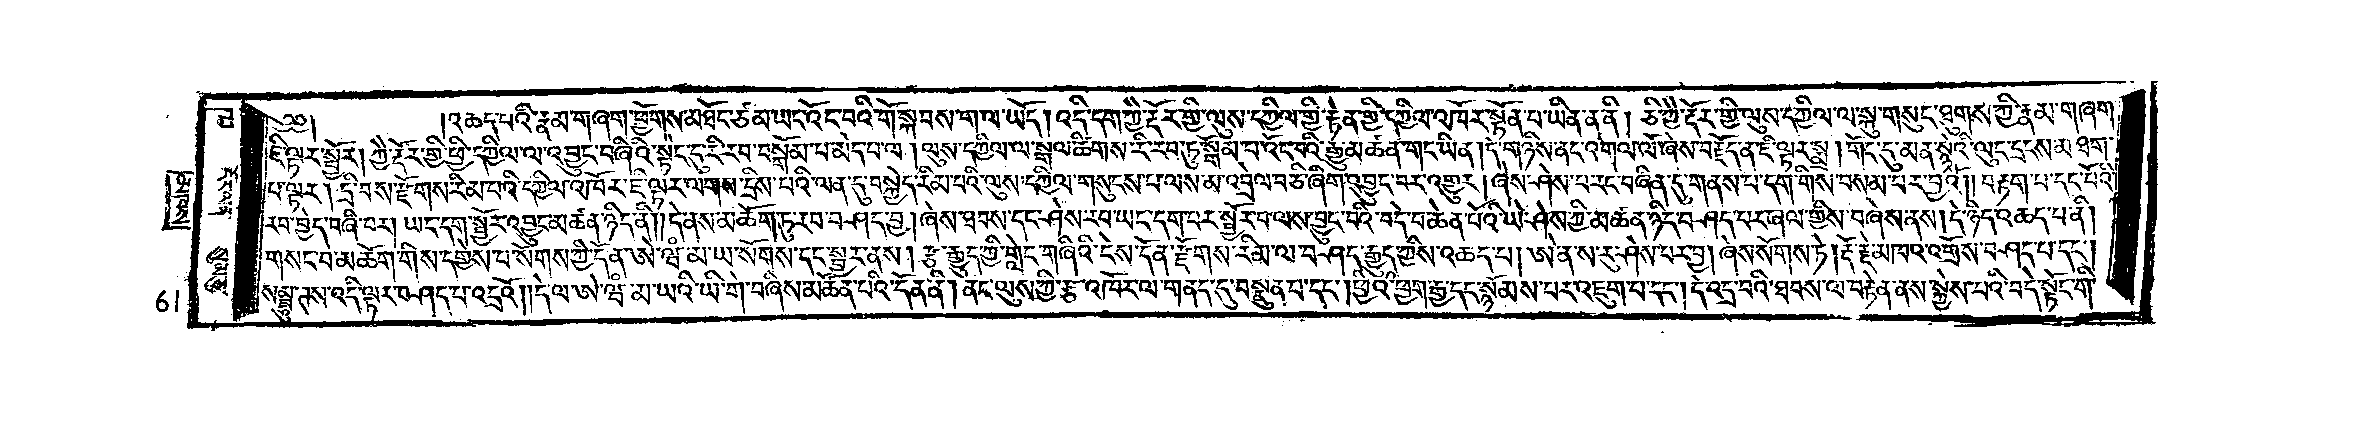༄༅། །འཆད་པའི་རྣམ་གཞག་ཕྱོགས་མཐོང་ཙམ་ཡང་འོང་བའི་གོ་སྐབས་ག་ལ་ཡོད། འདི་དག་ཀྱཻ་རྡོར་གྱི་ལུས་དཀྱིལ་གྱི་རྟེན་གྱི་དཀྱིལ་འཁོར་སྟོན་པ་ཡིན་ན་ནི། ཅི་ཀྱཻ་རྡོར་གྱི་ལུས་དཀྱིལ་ལ་སྐུ་གསུང་ཐུགས་ཀྱི་རྣམ་གཞག་
ཇི་ལྟར་སྦྱོར། ཀྱཻ་རྡོར་གྱི་ཕྱི་དཀྱིལ་ལ་འབྱུང་བཞིའི་སྟེང་དུ་རི་རབ་བསྒོམ་པ་མེད་པ་ལ། ལུས་དཀྱིལ་ལ་སྒལ་ཚིགས་རི་རབ་ཏུ་སྒོམ་པ་འོང་བའི་རྒྱུ་མཚན་གང་ཡིན། དེ་གཉིས་ནང་འགལ་ལོ་ཞེས་བརྗོད་ན་ཇི་ལྟར་སྨྲ། གོང་དུ་མན་སྙེའི་ལུང་དྲངས་མ་ཐག་
པ་ལྟར། དྲི་བས་རྫོགས་རིམ་པའི་དཀྱིལ་འཁོར་ཇི་ལྟར་ལགས་དྲིས་པའི་ལན་དུ་བསྐྱེད་རིམ་པའི་ལུས་དཀྱིལ་གསུངས་པ་ལས་མ་འབྲེལ་བ་ཅི་ཞིག་འབྱུང་བར་འགྱུར། ཞེས་ཤེས་པ་རང་བཞིན་དུ་གནས་པ་དག་གིས་བསམ་པར་བྱའོ། །བརྟག་པ་དང་པོའི་
རབ་བྱེད་བཞི་པར། ཡང་དག་སྦྱོར་འབྱུང་མཚན་ཉིད་ནི། །དེ་ནས་མཆོག་ཏུ་རབ་བཤད་བྱ། ཞེས་ཐབས་དང་ཤེས་རབ་ཡང་དག་པར་སྦྱོར་བ་ལས་བྱུང་བའི་བདེ་བ་ཆེན་པོའི་ཡེ་ཤེས་ཀྱི་མཚན་ཉིད་བཤད་པར་ཞལ་གྱིས་བཞེས་ནས། དེ་ཉིད་འཆད་པ་ནི།
གསང་བ་མཆོག་གིས་དགྱེས་པ་སོགས་ཀྱི་དོན་ཨེ་ཝཾ་མ་ཡ་སོགས་དང་སྦྱར་ནས། རྩ་རྒྱུད་ཀྱི་གླེང་གཞིའི་ངེས་དོན་རྫོགས་རིམ་ལ་བཤད་རྒྱུད་ཀྱིས་འཆད་པ། ཨེ་ན་ས་རུ་ཤེས་པར་བྱ། ཞེས་སོགས་ཏེ། རྡོ་རྗེ་མཁའ་འགྲོས་བཤད་པ་དང་།
སམྦྷུ་ཊས་འདི་ལྟར་བཤད་པ་འདྲའོ། །དེ་ལ་ཨེ་ཝཾ་མ་ཡའི་ཡི་གེ་བཞིས་མཚོན་པའི་དོན་ནི། ནང་ལུས་ཀྱི་རྩ་འཁོར་ལ་གནད་དུ་བསྣུན་པ་དང་། ཕྱིའི་ཕྱག་རྒྱ་དང་སྙོམས་པར་འཇུག་པ་དང་། དེ་འདྲ་བའི་ཐབས་ལ་བརྟེན་ནས་སྐྱེས་པའི་བདེ་སྟོང་གི་